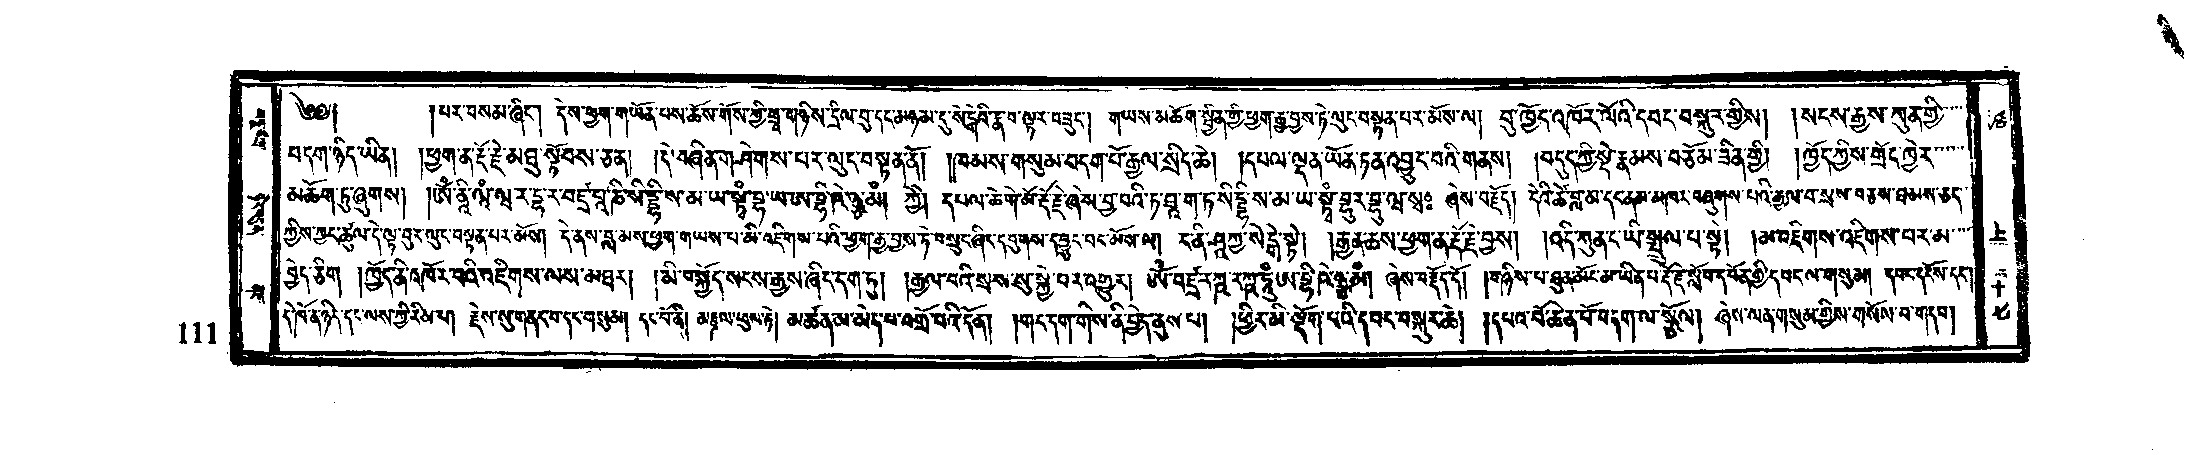༄༅། །པར་བསམ་ཞིང་། དེས་ཕྱག་གཡོན་པས་ཆོས་གོས་ཀྱི་གྲྭ་གཉིས་དྲིལ་བུ་དང་མཉམ་དུ་སེངྒེའི་རྣ་བ་ལྟར་བཟུང་། གཡས་མཆོག་སྦྱིན་གྱི་ཕྱག་རྒྱ་བྱས་ཏེ་ལུང་བསྟན་པར་མོས་ལ། བུ་ཁྱོད་འཁོར་ལོའི་དབང་བསྐུར་གྱིས། །སངས་རྒྱས་ཀུན་གྱི་
བདག་ཉིད་ཡིན། །ཕྱག་ན་རྡོ་རྗེ་མཐུ་སྟོབས་ཅན། །དེ་བཞིན་གཤེགས་པར་ལུང་བསྟན་ནོ། །ཁམས་གསུམ་བདག་པོ་རྒྱལ་སྲིད་ཆེ། །དཔལ་ལྡན་ཡོན་ཏན་འབྱུང་བའི་གནས། །བདུད་ཀྱི་སྡེ་རྣམས་བཅོམ་ཟིན་གྱི། །ཁྱོད་ཀྱིས་གྲོང་ཁྱེར་
མཆོག་ཏུ་ཞུགས། །ཨོཾ་ནཱི་ལཱཾ་ཝ་ར་དྷ་ར་བཛྲ་པཱ་ཎི་སིདྡྷི་ས་མ་ཡ་སྟྭཾ་བྷ་ཡ་ཨ་བྷི་ཥེཉྩ་མཾ། ཀྱཻ། དཔལ་ཆེ་གེ་མོ་རྡོ་རྗེ་ཞེས་བྱ་བའི་ཏ་ཐཱ་ག་ཏ་སིདྡྷི་ས་མ་ཡ་སྟྭཾ་བྷུར་བྷུ་ཝ་སྭཿ ཞེས་བརྗོད། དེའི་ཚེ་བླ་མ་དང་ནམ་མཁར་བཞུགས་པའི་རྒྱལ་བ་སྲས་བཅས་ཐམས་ཅད་
ཀྱིས་ཀྱང་ཚུལ་དེ་ལྟ་བུར་ལུང་བསྟན་པར་མོས། དེ་ནས་བླ་མས་ཕྱག་གཡས་པ་མི་འཇིགས་པའི་ཕྱག་རྒྱ་བྱས་ཏེ་བསྲུང་ཞིང་དབུགས་དབྱུང་བང་མོས་ལ། ང་ནི་ཤཱཀྱ་སེངྒེ་སྟེ། །རྒྱན་ཆས་ཕྱག་ན་རྡོ་རྗེ་བྱས། །འདི་ཀུན་ང་ཡི་སྤྲུལ་པ་སྟེ། །མ་འཇིགས་འཇིགས་པར་མ་
བྱེད་ཅིག །ཁྱོད་ནི་འཁོར་བའི་འཇིགས་ལས་མཐར། །མི་བསྐྱོད་སངས་རྒྱས་ཞིང་དག་ཏུ། །རྒྱལ་བའི་སྲས་སུ་སྐྱེ་བར་འགྱུར། ཨོཾ་བཛྲ་རཀྵ་རཀྵ་ཧཱུཾ་ཨ་བྷི་ཥེཉྩ་མཾ། ཞེས་བརྗོད་དོ། །གཉིས་པ་ཐུན་མོངས་མ་ཡིན་པ་རྡོ་རྗེ་སློབ་དཔོན་གྱི་དབང་ལ་གསུམ། དབང་དངོས་དང་།
དེ་ཁོ་ན་ཉིད་དང་ལས་ཀྱི་རིམ་པ། རྗེས་སུ་གནང་བ་དང་གསུམ། དང་པོ་ནི། མཎྜལ་ཕུལ་ཏེ། མཚན་མ་མེད་པ་འགྲོ་བའི་དོན། །གང་དག་གིས་ནི་བྱེད་ནུས་པ། །ཕྱིར་མི་ལྡོག་པའི་དབང་བསྐུར་ཆེ། །དཔའ་བོ་ཆེན་པོ་བདག་ལ་སྩོལ། ཞེས་ལན་གསུམ་གྱིས་གསོལ་བ་གདབ།